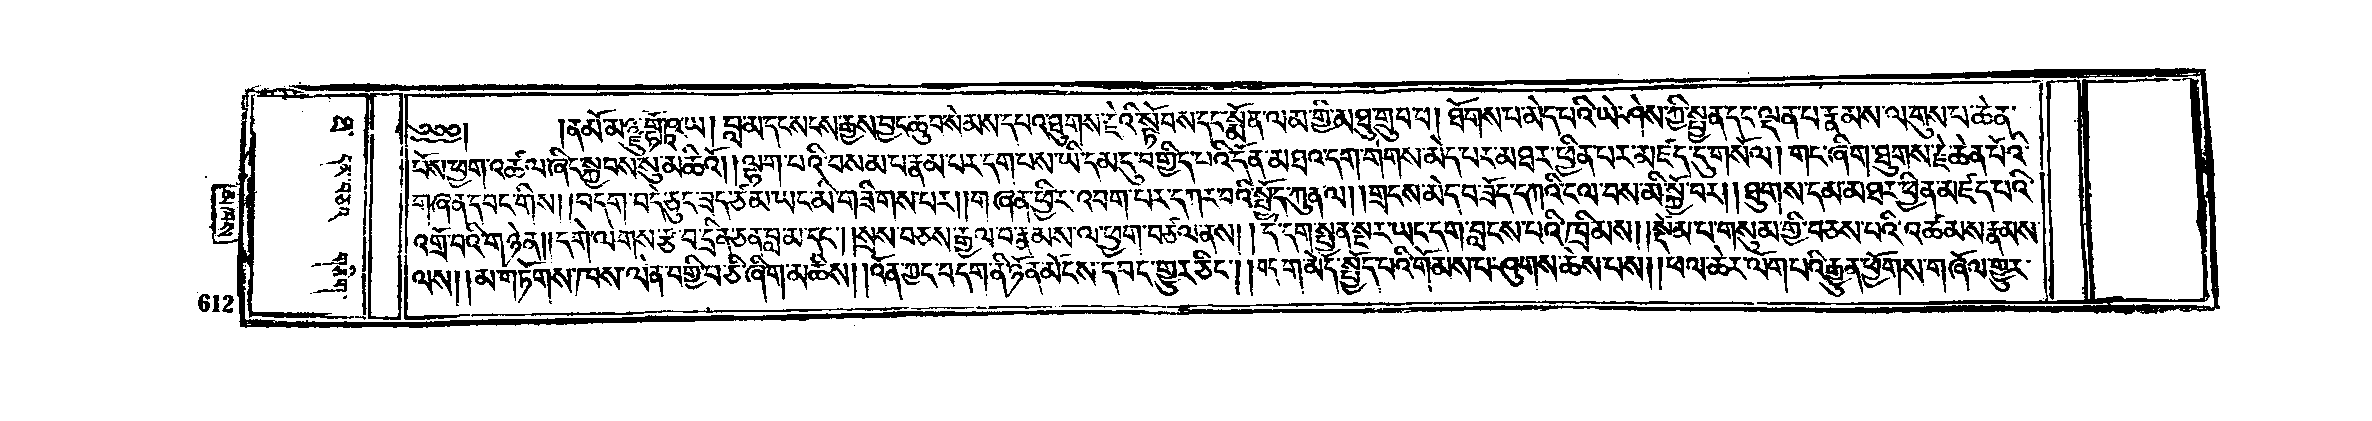༄༅༅། །ན་མོ་མཉྫུ་གྷོ་ཥཱ་ཡ། བླ་མ་དང་སངས་རྒྱས་བྱང་ཆུབ་སེམས་དཔའ་ཐུགས་རྗེའི་སྟོབས་དང་སྨོན་ལམ་གྱི་མཐུ་གྲུབ་པ། ཐོགས་པ་མེད་པའི་ཡེ་ཤེས་ཀྱི་སྤྱན་དང་ལྡན་པ་རྣམས་ལ་གུས་པ་ཆེན་
པོས་ཕྱག་འཚལ་ཞིང་སྐྱབས་སུ་མཆིའོ། །ལྷག་པའི་བསམ་པ་རྣམ་པར་དག་པས་ཡི་དམ་དུ་བགྱིད་པའི་དོན་མཐའ་དག་གེགས་མེད་པར་མཐར་ཕྱིན་པར་མཛད་དུ་གསོལ། གང་ཞིག་ཐུགས་རྗེ་ཆེན་པོའི་
གཞན་དབང་གིས། །བདག་བདེ་ཅུང་ཟད་ཙམ་ཡང་མི་གཟིགས་པར། །གཞན་ཕྱིར་འབག་པར་དཀར་བའི་སྤྱོད་ཀུན་ལ། །གྲངས་མེད་བཟོད་དཀའི་ངལ་བས་མི་སྐྱོ་བར། །ཐུགས་དམ་མཐར་ཕྱིན་མཛད་པའི་
འགྲོ་བའི་གཉེན། །དགེ་ལེགས་རྩ་བ་དྲིན་ཅན་བླ་མ་དང་། །སྲས་བཅས་རྒྱལ་བ་རྣམས་ལ་ཕྱག་བཙལ་ནས། །དེ་དག་སྤྱན་སྔར་ཡང་དག་བླངས་པའི་ཁྲིམས། །སྡོམ་པ་གསུམ་གྱི་བཅས་པའི་འཚམས་རྣམས་
ལས། །མ་གཏོགས་ཁས་ལེན་བགྱི་བ་ཅི་ཞིག་མཆིས། །འོན་ཀྱང་བདག་ནི་ཉོན་མོངས་དབང་གྱུར་ཅིང་། །བདག་མེད་སྤྱོད་པའི་གོམས་པ་ཤུགས་ཆེས་པས། །ཕལ་ཆེར་ལོག་པའི་རྒྱུན་ཕྱོགས་གཞོལ་གྱུར་